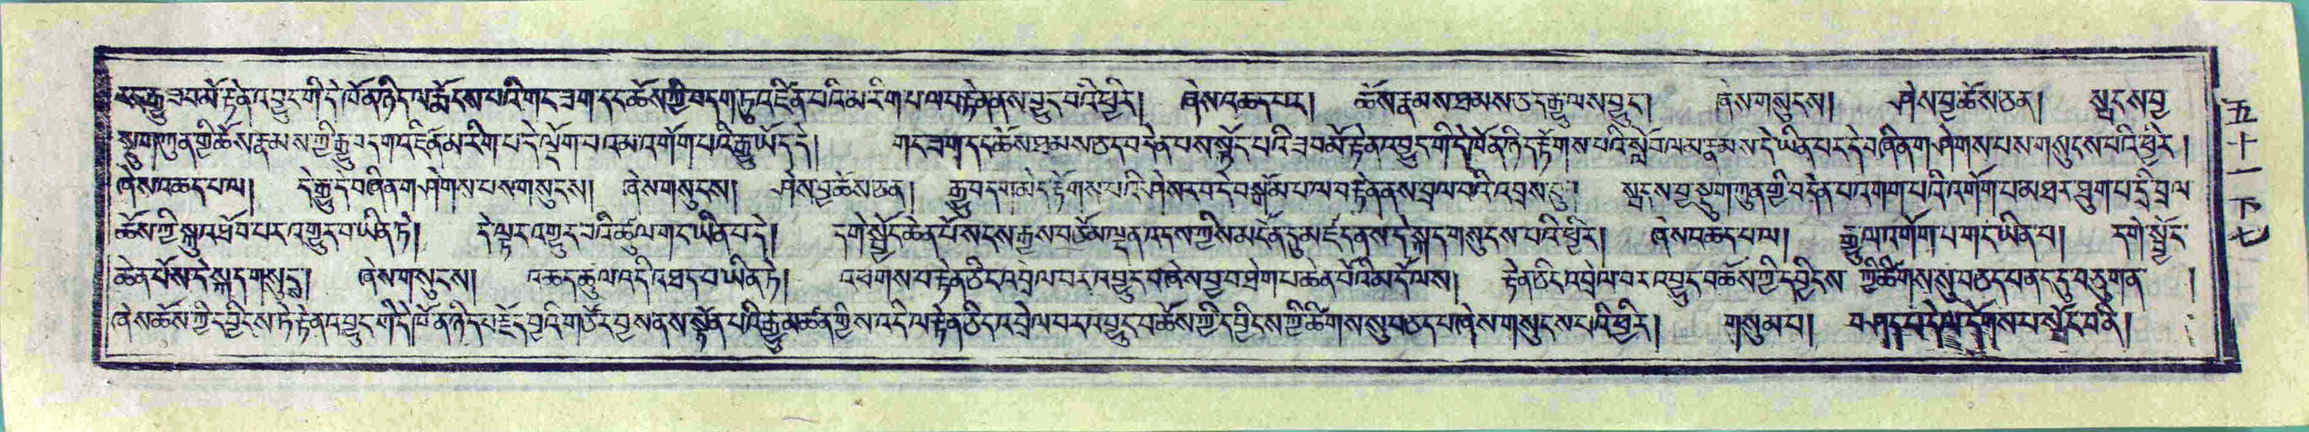རང་རྒྱུ་ཟབ་མོ་རྟེན་འབྱུང་གི་དེ་ཁོ་ན་ཉིད་ལ་རྨོངས་པའི་གང་ཟག་དང་ཆོས་ཀྱི་བདག་ཏུ་འཛིན་པའི་མ་རིག་པ་
ལ་བརྟེན་ནས་བྱུང་བའི་ཕྱིར། ཞེས་འཆད་པར། ཆོས་རྣམས་ཐམས་ཅད་རྒྱུ་ལས་བྱུང་། ཞེས་གསུངས། ཤེས་བྱ་ཆོས་ཅན། སྤངས་བྱ་སྡུག་ཀུན་གྱི་ཆོས་རྣམས་ཀྱི་རྒྱུ་བདག་
འཛིན་མ་རིག་པ་དེ་ལྡོག་པའམ་འགོག་པའི་རྒྱུ་ཡོད་དེ། གང་ཟག་དང་ཆོས་ཐམས་ཅད་བདེན་པས་སྟོང་བའི་ཟབ་མོ་རྟེན་འབྱུང་གི་དེ་ཁོ་ན་ཉིད་རྟོགས་པའི་སློབ་ལམ་རྣམས་དེ་ཡིན་པར་དེ་བཞིན་གཤེགས་
པས་གསུངས་པའི་ཕྱིར། ཞེས་འཆད་པ་ལ། དེ་རྒྱུ་དེ་བཞིན་གཤེགས་པས་གསུངས། ཞེས་གསུངས། ཤེས་བྱ་ཆོས་ཅན། རྒྱུ་བདག་མེད་རྟོགས་པའི་ཤེས་རབ་དེ་བསྒོམ་པ་ལ་བརྟེན་ནས་
བྲལ་བའི་འབྲས་བུ། སྤངས་བྱ་སྡུག་ཀུན་གྱི་བདེན་པ་འགག་པའི་འགོག་པ་མཐར་ཐུག་པ་དྲི་བྲལ་ཆོས་ཀྱི་སྐུ་འཐོབ་པར་འགྱུར་བ་ཡིན་ཏེ། དེ་ལྟར་འགྱུར་བའི་ཚུལ་གང་ཡིན་པ་དེ། དགེ་སྦྱོང་ཆེན་
པོ་སངས་རྒྱས་བཅོམ་ལྡན་འདས་ཀྱིས་མངོན་དུ་མཛད་ནས་དེ་སྐད་གསུངས་པའི་ཕྱིར། ཞེས་འཆད་པ་ལ། རྒྱུ་ལ་འགོག་པ་གང་ཡིན་པ། དགེ་སྦྱོང་ཆེན་པོས་དེ་སྐད་གསུང་། ཞེས་གསུངས། །༄༅། །འཆད་ཚུལ་འདི་འཐད་པ་ཡིན་ཏེ། འཕགས་པ་རྟེན་ཅིང་འབྲེལ་པར་འབྱུང་བ་ཞེས་བྱ་བ་ཐེག་པ་ཆེན་པོའི་མདོ་ལས། རྟེན་ཅིང་འབྲེལ་པར་འབྱུང་བ་ཆོས་ཀྱི་དབྱིངས་
ཀྱི་ཚིགས་སུ་བཅད་པ་ནང་དུ་བཅུག་ན། ཞེས་ཆོས་ཀྱི་དབྱིངས་ཏེ་རྟེན་འབྱུང་གི་དེ་ཁོ་ན་ཉིད་བརྗོད་བྱའི་གཙོར་བྱས་ནས་སྟན་པའི་རྒྱུ་མཚན་གྱིས་འདི་ལ་རྟེན་ཅིང་འབྲེལ་བར་འབྱུང་བ་
ཆོས་ཀྱི་དབྱིངས་ཀྱི་ཚིགས་སུ་བཅད་པ་ཞེས་གསུངས་པའི་ཕྱིར། གསུམ་པ། བཤད་པ་དེ་ལ་དོགས་པ་སྤོང་བ་ནི།